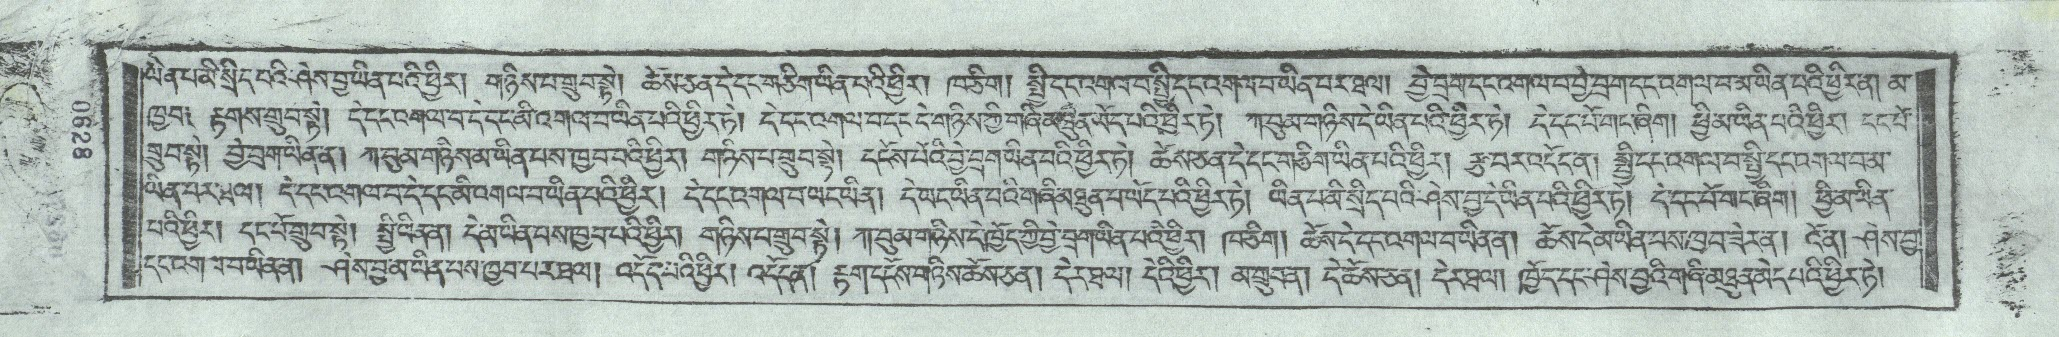ཡིན་པ་མི་སྲིད་པའི་ཤེས་བྱ་ཡིན་པའི་ཕྱིར། གཉིས་པ་གྲུབ་སྟེ། ཆོས་ཅན་དེ་དང་གཅིག་ཡིན་པའི་ཕྱིར། ཁ་ཅིག། སྤྱི་དང་འགལ་བ་སྤྱི་དང་འགལ་བ་ཡིན་པར་ཐལ། བྱེ་བྲག་དང་འགལ་བ་བྱེ་བྲག་དང་འགལ་བ་མ་ཡིན་པའི་ཕྱིར་ན། མ་
ཁྱབ༑ རྟགས་གྲུབ་སྟེ། དེ་དང་འགལ་བ་དེ་དང་མི་འགལ་བ་ཡིན་པའི་ཕྱིར་ཏེ། དེ་དང་འགལ་བ་དང་དེ་གཉིས་ཀྱི་གཞི་མཐུན་ཡོད་པའི་ཕྱིར་ཏེ། ཀ་བུམ་གཉིས་དེ་ཡིན་པའི་ཕྱིར་ཏེ། དེ་དང་པོ་གང་ཞིག། ཕྱི་མ་ཡིན་པའི་ཕྱིར། དང་པོ་
གྲུབ་སྟེ། བྱེ་བྲག་ཡིན་ན། ཀ་བུམ་གཉིས་མ་ཡིན་པས་ཁྱབ་པའི་ཕྱིར། གཉིས་པ་གྲུབ་སྟེ། དངོས་པོའི་བྱེ་བྲག་ཡིན་པའི་ཕྱིར་ཏེ། ཆོས་ཅན་དེ་དང་གཅིག་ཡིན་པའི་ཕྱིར། རྩ་བར་འདོད་ན། སྤྱི་དང་འགལ་བ་སྤྱི་དང་འགལ་བ་མ་
ཡིན་པར་ཐལ། དེ་དང་འགལ་བ་དེ་དང་མི་འགལ་བ་ཡིན་པའི་ཕྱིར། དེ་དང་འགལ་བ་ཡང་ཡིན། དེ་ཡང་ཡིན་པའི་གཞི་མཐུན་པ་ཡོད་པའི་ཕྱིར་ཏེ། ཡིན་པ་མི་སྲིད་པའི་ཤེས་བྱ་དེ་ཡིན་པའི་ཕྱིར་ཏེ། དེ་དང་པོ་གང་ཞིག། ཕྱི་མ་ཡིན་
པའི་ཕྱིར། དང་པོ་གྲུབ་སྟེ། སྤྱི་ཡིན་ན། དེ་མ་ཡིན་པས་ཁྱབ་པའི་ཕྱིར། གཉིས་པ་གྲུབ་སྟེ། ཀ་བུམ་གཉིས་དེ་ཁྱོད་ཀྱི་བྱེ་བྲག་ཡིན་པའི་ཕྱིར། ཁ་ཅིག། ཆོས་དེ་དང་འགལ་བ་ཡིན་ན། ཆོས་དེ་མ་ཡིན་པས་ཁྱབ་ཟེར་ན། འོ་ན། ཤེས་བྱ་
དང་འགལ་བ་ཡིན་ན། ཤེས་བྱ་མ་ཡིན་པས་ཁྱབ་པར་ཐལ། འདོད་པའི་ཕྱིར། འདོད་ན། རྟག་དངོས་གཉིས་ཆོས་ཅན། དེར་ཐལ། དེའི་ཕྱིར། མ་གྲུབ་ན། དེ་ཆོས་ཅན། དེར་ཐལ། ཁྱོད་དང་ཤེས་བྱའི་གཞི་མཐུན་མེད་པའི་ཕྱིར་ཏེ།